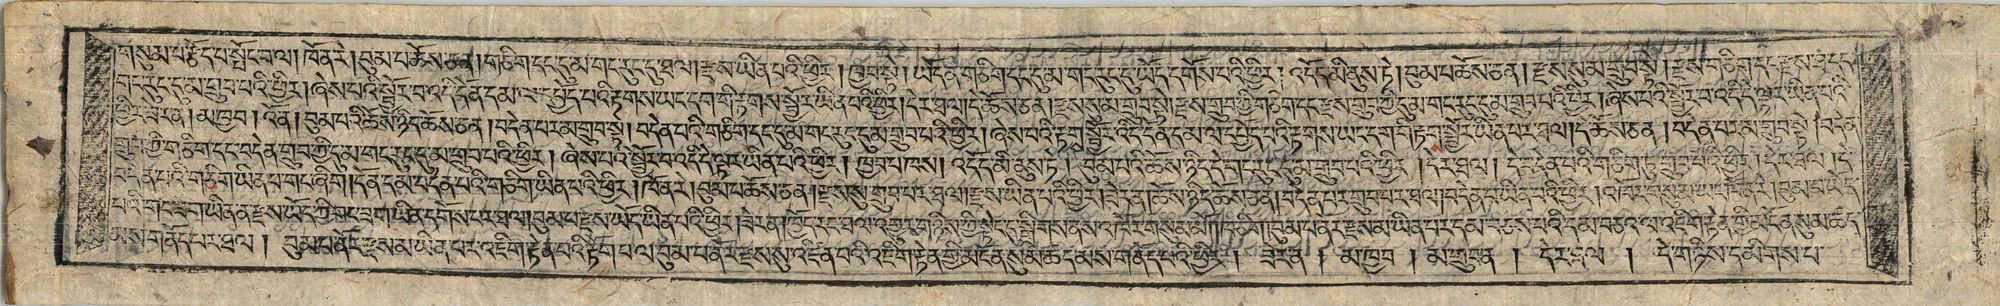གསུམ་པ་རྩོད་པ་སྤོང་བ་ལ། ཁོ་ན་རེ། བུམ་པ་ཆོས་ཅན། གཅིག་དང་དུ་མ་གང་རུང་དུ་ཐལ། རྫས་ཡིན་པའི་ཕྱིར། ཁྱབ་སྟེ། ཡོད་ན་གཅིག་དང་དུ་མ་གང་རུང་དུ་ཡོད་དགོས་པའི་ཕྱིར། འདོད་མི་ནུས་ཏེ། བུམ་པ་ཆོས་ཅན། རྫས་སུ་མ་གྲུབ་སྟེ། རྫས་གཅིག་དང་རྫས་ཐ་དད་
གང་རུང་དུ་མ་གྲུབ་པའི་ཕྱིར། ཞེས་པའི་སྦྱོར་བ་འདི་དོན་དམ་ལ་དཔྱོད་པའི་རྟགས་ཡང་དག་གི་རྟགས་སྦྱོར་ཡིན་པའི་ཕྱིར། དེར་ཐལ། དེ་ཆོས་ཅན། རྫས་སུ་མ་གྲུབ་སྟེ། རྫས་གྲུབ་ཀྱི་གཅིག་དང་རྫས་གྲུབ་ཀྱི་དུ་མ་གང་རུང་དུ་མ་གྲུབ་པའི་ཕྱིར། ཞེས་པའི་སྦྱོར་བ་འདི་དེ་ལྟར་ཡིན་པའི་
ཕྱིར་ཟེར་ན། མ་ཁྱབ། འོ་ན། བུམ་པའི་ཆོས་ཉིད་ཆོས་ཅན། བདེན་པར་མ་གྲུབ་སྟེ། བདེན་པའི་གཅིག་དང་དུ་མ་གང་རུང་དུ་མ་གྲུབ་པའི་ཕྱིར། ཞེས་པའི་རྟགས་སྦྱོར་འདི་དོན་དམ་ལ་དཔྱོད་པའི་རྟགས་ཡང་དག་གི་རྟགས་སྦྱོར་ཡིན་པར་ཐལ། དེ་ཆོས་ཅན། བདེན་པར་མ་གྲུབ་སྟེ། བདེན་
གྲུབ་ཀྱི་གཅིག་དང་བདེན་གྲུབ་ཀྱི་དུ་མ་གང་རུང་དུ་མ་གྲུབ་པའི་ཕྱིར། ཞེས་པའི་སྦྱོར་བ་འདི་དེ་ལྟར་ཡིན་པའི་ཕྱིར། ཁྱབ་པ་ཁས། འདོད་མི་ནུས་ཏེ། བུམ་པའི་ཆོས་ཉིད་དེ་གང་རུང་དུ་མ་གྲུབ་པའི་ཕྱིར། །དེར་ཐལ། དེ་བདེན་པའི་གཅིག་ཏུ་གྲུབ་པའི་ཕྱིར། དེར་ཐལ་།དེ་
བདེན་པའི་གཅིག་ཡིན་པ་གང་ཞིག ། དོན་དམ་བདེན་པའི་གཅིག་ཡིན་པའི་ཕྱིར། ཁོ་ན་རེ། བུམ་པ་ཆོས་ཅན། རྫས་སུ་གྲུབ་པར་ཐལ། རྫས་ཡིན་པའི་ཕྱིར། ཟེར་ན། ཆོས་ཉིད་ཆོས་ཅན། བདེན་པར་གྲུབ་པར་ཐལ། བདེན་པ་ཡིན་པའི་ཕྱིར། འཁོར་གསུམ་ཡང་ཁོ་ན་རེ། བུམ་པ་ཡོད་
པའི་གང་ཟག་ཡིན་ན་རྫས་ཡོད་ཀྱི་གང་ཟག་ཡིན་དགོས་པར་ཐལ། བུམ་པ་རྫས་ཡོད་ཡིན་པའི་ཕྱིར། ཟེར་ན། ཁྱོད་རང་ཐལ་འགྱུར་གཉིས་ཀྱི་སྟེང་དུ་སྒྲིགསྣས་འཁོར་གསུམ་མོ། །ཁ་ཅིག །བུམ་པ་ནོར་རྫས་མ་ཡིན་པར་དམ་བཅས་པའི་དམ་བཅའ་ལ་འཇིག་རྟེན་གྱི་མངོན་སུམ་ཚད་
མས་གནོད་པར་ཐལ། བུམ་པ་ནོར་རྫས་མ་ཡིན་པར་འཇིག་རྟེན་པའི་རྟོག་པ་ལ་བུམ་པ་ནོར་རྫས་སུ་འཛིན་པའི་འཇིག་རྟེན་གྱི་མངོན་སུམ་ཚད་མས་གནོད་པའི་ཕྱིར། ཟེར་ན། མ་ཁྱབ། མ་གྲུབ་ན། དེར་ཐལ། དེ་གཉིས་དམིགས་པ་